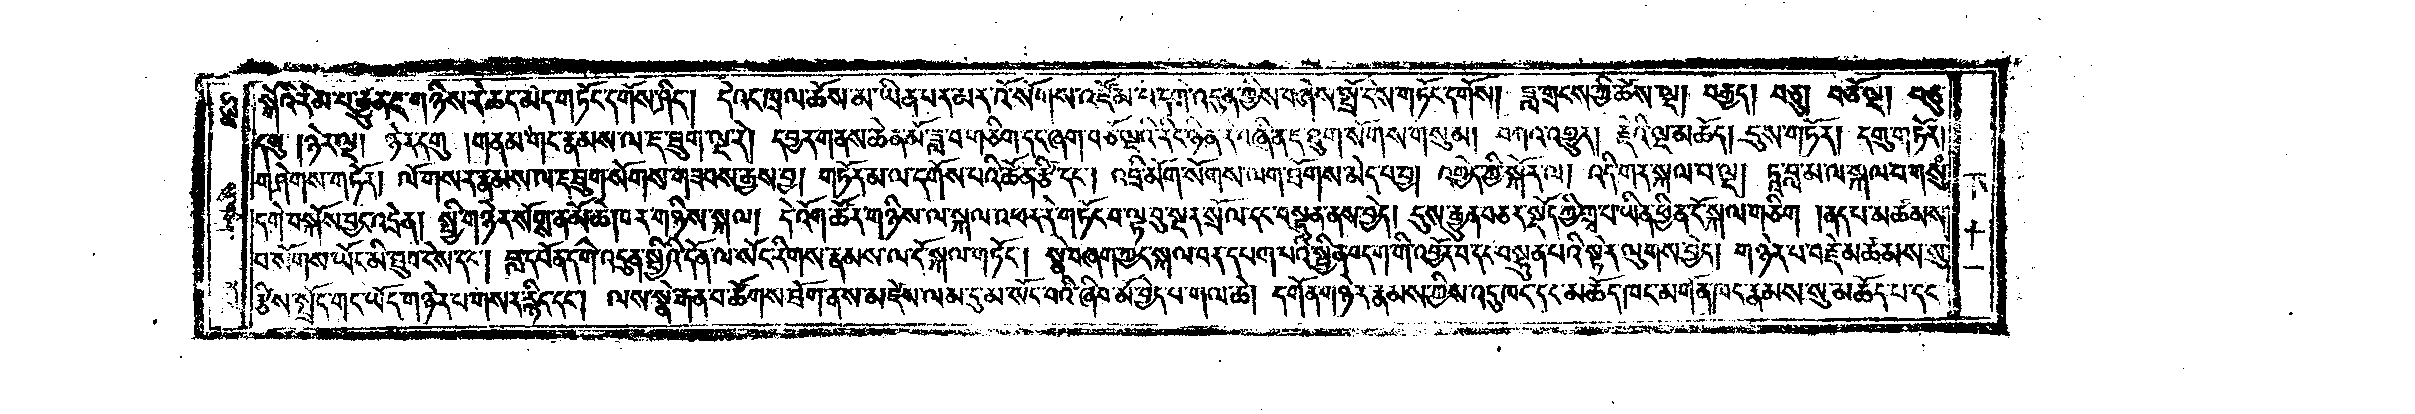སྒོའི་རིམ་པ་རྒྱུན་ཇ་གཉིས་རེ་ཆད་མེད་གཏོང་དགོས་ཤིང་། དེའང་ཁྲལ་ཆོས་མ་ཡིན་པར་མར་འོ་སོགས་འཛོམ་པ་དགེ་འདུན་གྱིས་བཞེས་སྤྲོ་ངེས་གཏོང་དགོས། ཟླ་གྲངས་ཀྱི་ཚེས་ལྔ། བརྒྱད། བཅུ། བཅོ་ལྔ། བཅུ་
དགུ །ཉེར་ལྔ། ཉེར་དགུ །གནམ་གང་རྣམས་ལ་ཇ་ཐུག་ལྔ་རེ། དབྱར་གནས་ཆེན་མོ་ཟླ་བ་གཅིག་དང་ཞག་བཅོ་ལྔའི་རིང་ཉིན་རེ་བཞིན་ཇ་ཐུག་སོགས་གསུམ། བཀའ་འགྱུར། རྗེའི་ལྔ་མཆོད། དུས་གཏོར། དགུ་གཏོར།
གཤེགས་གཏོར། ལོ་གསར་རྣམས་ལ་ཇ་ཐུག་སོགས་གཟབས་རྒྱས་བྱ། གཏོར་མ་ལ་དགོས་པའི་ཚོན་རྩི་དང་། འབྲི་མོག་སོགས་ལག་ཐོགས་མེད་པ་བྱ། འགྱེད་ཀྱི་སྐོར་ལ། འདི་གར་སྐལ་བ་ལྔ། ཏཱ་བླ་མ་ལ་སྐལ་བ་གསུཾ་
དགེ་བསྐོས་བྱང་འདྲེན། སྤྱི་གཉེར་སོགས་ན་མོ་ཆེ་ཁར་གཉིས་སྐལ། དེ་འོག་ཚོར་གཉིས་ལ་སྐལ་འཕར་རེ་གཏོང་བ་ལྟ་བུ་སྔར་སྲོལ་དང་བསྣུན་ནས་བྱེད། དུས་རྒྱུན་བཅར་སྡོད་ཀྱི་གྲྭ་པ་ཡིན་ཕྱིན་ངོ་སྐལ་གཅིག །ནད་པ་མཚམས་
པ་སོགས་ཡོང་མི་ཐུབ་ངེས་དང་། བླ་དཔོན་དགེ་འདུན་སྤྱིའི་དོན་ལ་སོང་རིགས་རྣམས་ལ་ངོ་སྐལ་གཏོང་། སྣེ་བཞག་ཀྱང་སྐལ་བར་དཔག་པའི་སྤྱིན་བདག་གི་འབྱོར་བ་དང་བསྟུན་པའི་སྟེར་ལུགས་བྱེད། གཉེར་པ་བརྗེ་མཚམས་སུ་
རྩིས་སྤྲོད་གང་ཡོད་གཉེར་པ་གསར་རྙིང་དང་། ལས་སྣེ་རྒན་པ་ཚོགས་ཐོག་ནས་མཛེས་ལམ་དུ་མ་སོང་བའི་ཞིབ་མོ་བྱེད་པ་གལ་ཆེ། དགོན་གཉེར་རྣམས་ཀྱིས་འདུ་ཁང་དང་མཆོད་ཁང་མགོན་ཁང་རྣམས་སུ་མཆོད་པ་དང་